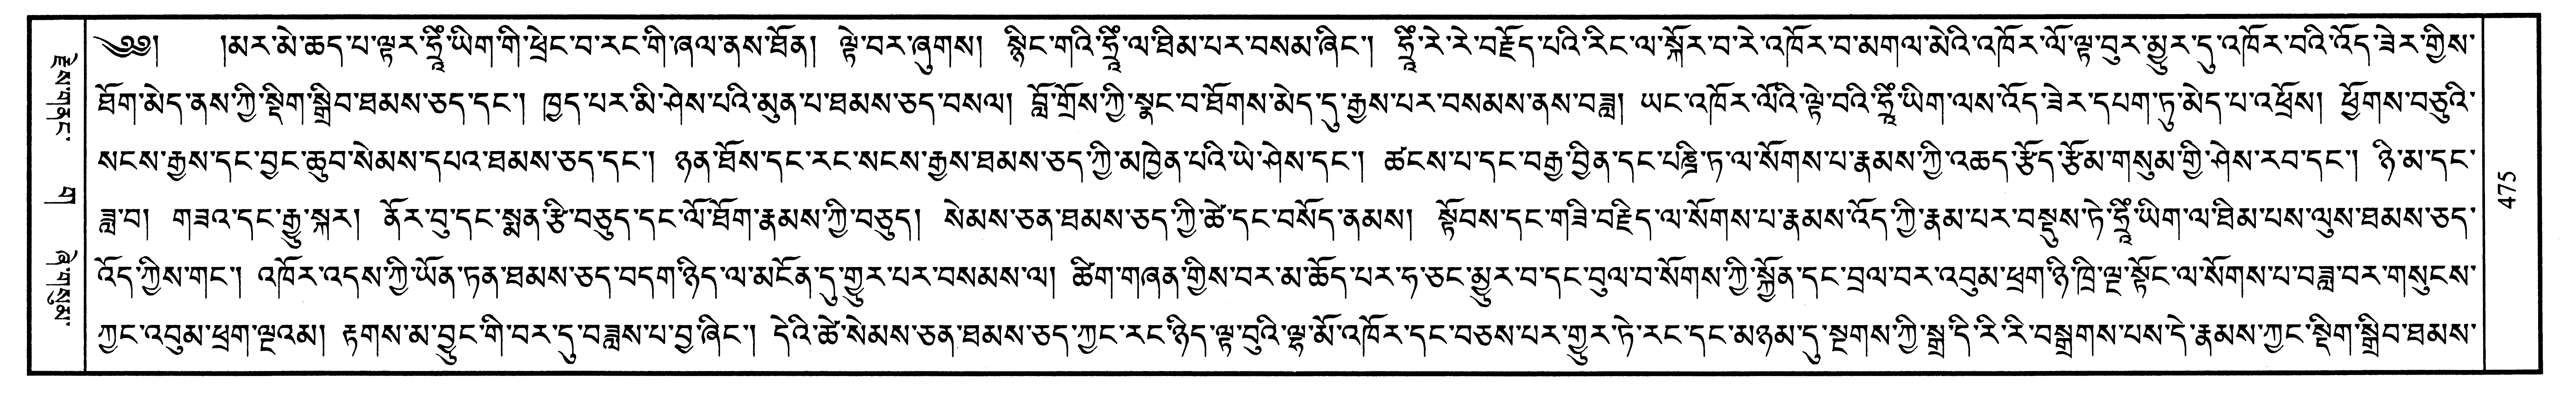༄༅། །མར་མེ་ཆད་པ་ལྟར་ཧྲཱིཾ་ཡིག་གི་ཕྲེང་བ་རང་གི་ཞལ་ནས་ཐོན། ལྟེ་བར་ཞུགས། སྙིང་གའི་ཧྲཱིཾ་ལ་ཐིམ་པར་བསམ་ཞིང་། ཧྲཱིཾ་རེ་རེ་བརྗོད་པའི་རིང་ལ་སྐོར་བ་རེ་འཁོར་བ་མགལ་མེའི་འཁོར་ལོ་ལྟ་བུར་མྱུར་དུ་འཁོར་བའི་འོད་ཟེར་གྱིས་
ཐོག་མེད་ནས་ཀྱི་སྡིག་སྒྲིབ་ཐམས་ཅད་དང་། ཁྱད་པར་མི་ཤེས་པའི་མུན་པ་ཐམས་ཅད་བསལ། བློ་གྲོས་ཀྱི་སྣང་བ་ཐོགས་མེད་དུ་རྒྱས་པར་བསམས་ནས་བཟླ། ཡང་འཁོར་ལོའི་ལྟེ་བའི་ཧྲཱིཾ་ཡིག་ལས་འོད་ཟེར་དཔག་ཏུ་མེད་པ་འཕྲོས། ཕྱོགས་བཅུའི་
སངས་རྒྱས་དང་བྱང་ཆུབ་སེམས་དཔའ་ཐམས་ཅད་དང་། ཉན་ཐོས་དང་རང་སངས་རྒྱས་ཐམས་ཅད་ཀྱི་མཁྱེན་པའི་ཡེ་ཤེས་དང་། ཚངས་པ་དང་བརྒྱ་བྱིན་དང་པཎྜི་ཏ་ལ་སོགས་པ་རྣམས་ཀྱི་འཆད་རྩོད་རྩོམ་གསུམ་གྱི་ཤེས་རབ་དང་། ཉི་མ་དང་
ཟླ་བ། གཟའ་དང་རྒྱུ་སྐར། ནོར་བུ་དང་སྨན་རྩི་བཅུད་དང་ལོ་ཐོག་རྣམས་ཀྱི་བཅུད། སེམས་ཅན་ཐམས་ཅད་ཀྱི་ཚེ་དང་བསོད་ནམས། སྟོབས་དང་གཟི་བརྗིད་ལ་སོགས་པ་རྣམས་འོད་ཀྱི་རྣམ་པར་བསྡུས་ཏེ་ཧྲཱིཾ་ཡིག་ལ་ཐིམ་པས་ལུས་ཐམས་ཅད་
འོད་ཀྱིས་གང་། འཁོར་འདས་ཀྱི་ཡོན་ཏན་ཐམས་ཅད་བདག་ཉིད་ལ་མངོན་དུ་གྱུར་པར་བསམས་ལ། ཚིག་གཞན་གྱིས་བར་མ་ཆོད་པར་ཧ་ཅང་མྱུར་བ་དང་བུལ་བ་སོགས་ཀྱི་སྐྱོན་དང་བྲལ་བར་འབུམ་ཕྲག་ཉི་ཁྲི་ལྔ་སྟོང་ལ་སོགས་པ་བཟླ་བར་གསུངས་
ཀྱང་འབུམ་ཕྲག་ལྔའམ། རྟགས་མ་བྱུང་གི་བར་དུ་བཟླས་པ་བྱ་ཞིང་། དེའི་ཚེ་སེམས་ཅན་ཐམས་ཅད་ཀྱང་རང་ཉིད་ལྟ་བུའི་ལྷ་མོ་འཁོར་དང་བཅས་པར་གྱུར་ཏེ་རང་དང་མཉམ་དུ་སྔགས་ཀྱི་སྒྲ་དི་རི་རི་བསྒྲགས་པས་དེ་རྣམས་ཀྱང་སྡིག་སྒྲིབ་ཐམས་